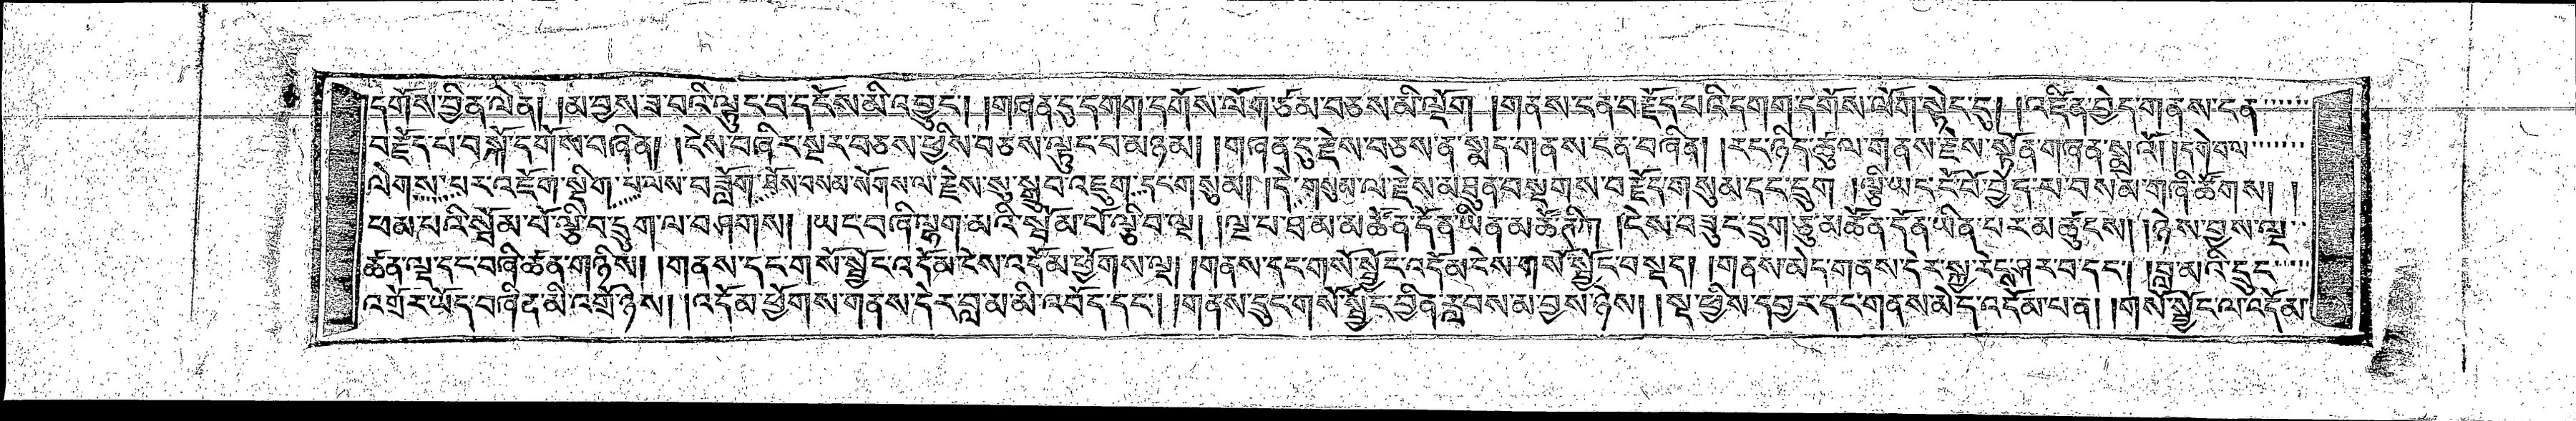དགོས་བྱིན་ལེན། །མ་བྱས་ཟ་བའི་ལྟུང་བ་དངོས་མི་འབྱུང་། །གཞན་དུ་དགག་དགོས་ལོག་ཙམ་བཅས་མི་ལྡོག །གནས་ངན་བརྗོད་པའི་དགག་དགོས་ལོག་སྟེང་དུ། །འཛིན་བྱེད་གནས་ངན་
བརྗོད་པ་བསྐོ་དགོས་བཞིན། །ངེས་བཞིར་སྔར་བཅས་ཕྱིས་བཅས་ལྟུང་བ་མཉམ། །གཞན་དུ་རྗེས་བཅས་ན་སྨད་གནས་ངན་བཞིན། །རང་ཉིད་ཚུལ་གནས་རྗེས་སྟོན་གཞན་སྨྲའོ། །དགེ་བ་ལ་
ལེགས་པར་འཇོག་སྡིག་པ་ལས་བཟློག་ཐོས་བསམ་སོགས་ལ་རྗེས་སུ་སྒྲུབ་འཇུག་དང་གསུམ། །དེ་གསུམ་ལ་རྗེས་མཐུན་བསྔགས་བརྗོད་གསུམ་དང་དྲུག །ལྕི་ཡང་ངོ་བོ་བྱེད་པ་བསམ་གཞི་ཚོགས། །
ཕམ་པའི་སྦོམ་པོ་ལྕི་བ་དྲུག་ལ་བཤགས། །ཡང་བཞི་ལྷག་མའི་སྦོམ་པོ་ལྕི་བ་ལྔ། །ལྔ་པ་ཐ་མ་མཚོན་དོན་ཡིན་མཚོ་ཊཱིཀ་།ངེས་བཟུང་དྲུག་ཅུ་མཚོན་དོན་ཡིན་པར་མཚུངས། །ཉེས་བྱས་ལྔ་
ཚན་ལྔ་དང་བཞི་ཚན་གཉིས། །གནས་དང་གསོ་སྦྱོང་འདོམ་ངེས་འདོམ་ཕྱོགས་ལྔ། །གནས་དང་གསོ་སྦྱོང་འདོམ་ངེས་གསོ་སྦྱོང་བསྡད། །གནས་མེད་གནས་དེར་སྐྱ་རེངས་ཤར་བ་དང་། །བླ་མའི་དྲུང་
འགྲོར་ཡོད་བཞིན་མི་འགྲོ་ཉེས། །འདོམ་ཕྱོགས་གནས་དེར་བླ་མ་མི་འབོད་དང་། །གནས་དྲུང་གསོ་སྦྱོང་བྱིན་རླབས་མ་བྱས་ཉེས། །སྔ་ཕྱིས་དབྱར་དང་གནས་མེད་འདོམ་པ་ན། །གསོ་སྦྱོང་ལ་འདོམ་